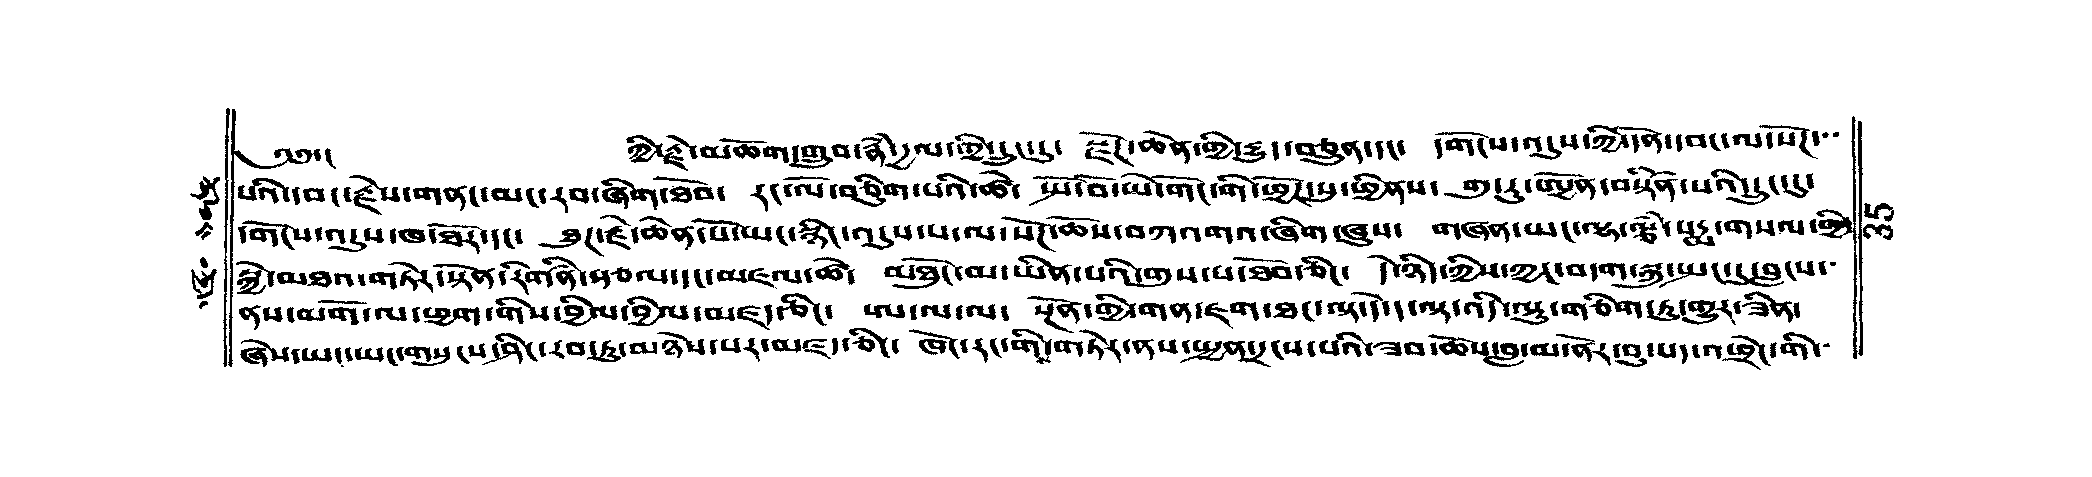ཀྱི་རྗེ་མཆོག་གྲུབ་རྣམ་རྒྱལ་གྱི་དྲུང་དུ། རྫོགས་ཆེན་གྱི་རྒྱུད་བཅུ་བདུན་དང་། དགོངས་འདུས་ཀྱི་དོན་དབང་ལ་སོགས་
པའི་དབང་རྗེས་གནང་མང་རབ་ཞིག་ཐོབ། རང་ལོ་བཅུ་གཅིག་པའི་ཚེ། སྤོ་བོ་ཡེ་གོང་གི་ཕྱོགས་སུ་ཕྱིན་ནས། གུ་རུ་ཨོ་རྒྱན་བསྟན་འཛིན་པའི་དྲུང་དུ་
དགོངས་འདུས་ཁ་ཐོར་དང་། ཐུགས་རྗེ་ཆེན་པོ་ཡང་སྙིང་འདུས་པ་ལ་སོགས་ཆོས་བཀའ་འགའ་ཞིག་ཞུས། གཞན་ཡང་ལྷ་ལྕམ་པདྨ་གསལ་གྱི་
སྐྱེ་མཐའ་གཏེར་སྟོན་རིག་འཛིན་སྩལ་དང་མཇལ་ཚེ། ཐུན་མོང་མ་ཡིན་པའི་གུས་པ་ཐོབ་ཅིང་། དེ་ཉིད་ཀྱིས་ཀྱང་བདག་སྐུ་པང་དུ་བླངས་
ནས་མགོ་ལ་ཕྱག་གིས་བྱིལ་བྱིལ་མཛད་ཅིང་། ཨ་ལ་ལ། སྔོན་གྱི་གན་ཇག་ཐང་ལྟ་དེ་ད་ལྟ་འདི་ལྟ་བུ་གཅིག་ཏུ་གྱུར་ཟིན་
ཞེས་ཡང་ཡང་གསུངས་ཤིང་རབ་ཏུ་མཉེས་པར་མཛད་ཅིང་། ཁོང་རང་གིས་གཏེར་ནས་སྤྱན་དྲངས་པའི་ཟབ་ཆོས་བླ་མ་ནོར་བུ་པད་འཕྲེང་གི་